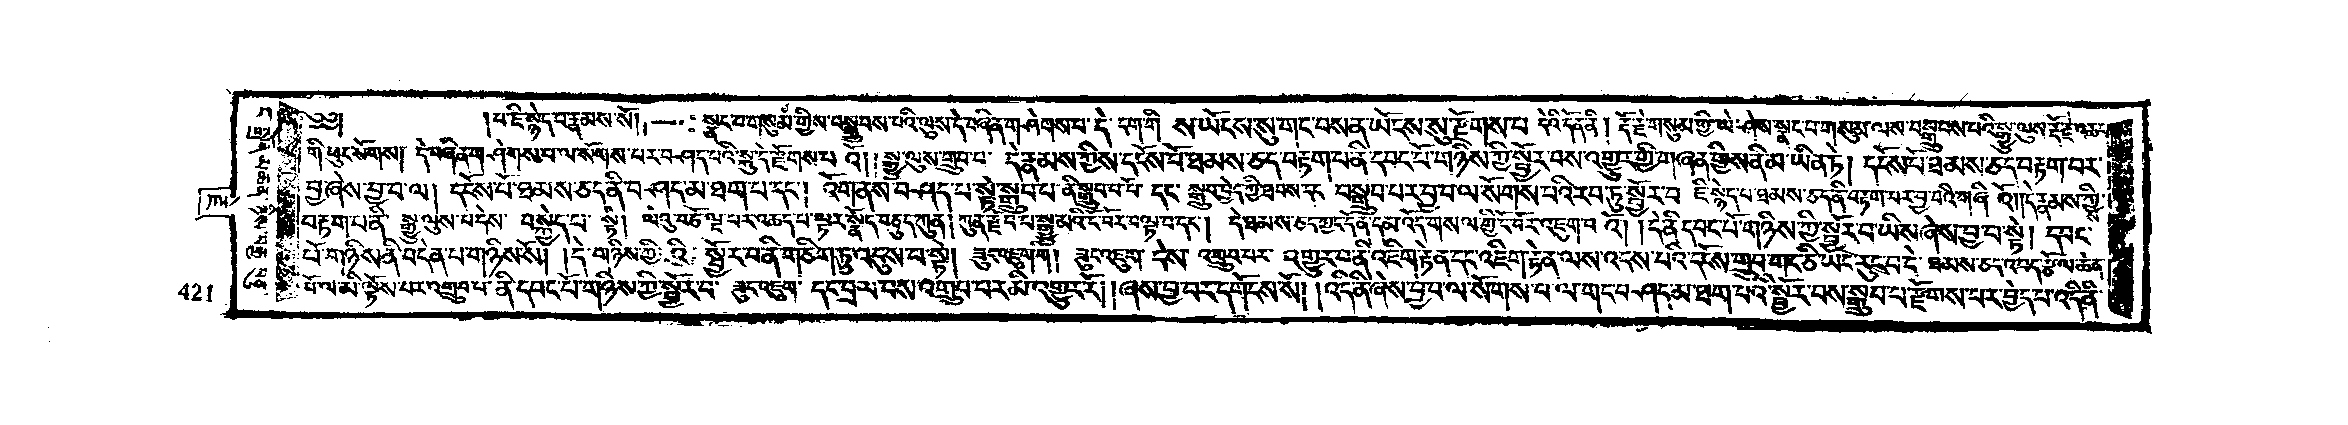༄༅། །པ་ཇི་སྙེད་པ་རྣམས་སོ།། .H སྣང་བ་གསུམ་གྱིས་བསྒྲུབས་པའི་ལུས་དེ་བཞིན་གཤེགས་པ་དེ་དག་གིས་ཡོངས་སུ་གང་བས་ན་ཡོངས་སུ་རྫོགས་པ་དེའི་དོན་ནི། །རྡོ་རྗེ་གསུམ་གྱི་ཡེ་ཤེས་སྣང་བ་གསུམ་ལས་བསྒྲུབས་པའི་སྒྱུ་ལུས་རྡོ་རྗེ་འཆང་
གི་ཕུང་སོགས། དེ་བཞིན་གཤེགས་པ་ལ་སོགས་པར་བཤད་པའི་སྐུ་དེ་རྫོགས་པའོ། ། སྒྱུ་ལུས་གྲུབ་པ་དེ་རྣམས་ཀྱིས་དངོས་པོ་ཐམས་ཅད་བརྟག་པ་ནི་དབང་པོ་གཉིས་ཀྱི་སྦྱོར་བས་འགྱུར་གྱི་གཞན་གྱིས་ནི་མ་ཡིན་ཏེ། དངོས་པོ་ཐམས་ཅད་བརྟག་པར་
བྱ་ཞེས་བྱ་བ་ལ། དངོས་པོ་ཐམས་ཅད་ནི་བཤད་མ་ཐག་པ་དང་། འོག་ནས་བཤད་པ་སྟེ་སྒྲུབ་པ་ནི་སྒྲུབ་པ་པོ་དང་སྒྲུབ་བྱེད་ཀྱི་ཐབས་དང་བསྒྲུབ་པར་བྱ་བ་ལ་སོགས་པའི་རབ་ཏུ་སྦྱོར་བ་ཇི་སྙེད་པ་ཐམས་ཅད་ནི་བརྟག་པར་བྱ་བའི་གཞིའོ། །དེ་རྣམས་ཀྱིས་
བརྟག་པ་ནི་སྒྱུ་ལུས་པ་དེས་བསྐྱེད་པ་སྟེ། ལེའུ་བཅོ་ལྔ་པར་འཆད་པ་ལྟར་སྣོད་བཅུད་ཀུན། ཀུན་རྫོབ་པ་སྒྱུ་མའི་ངོ་བོར་བལྟ་བ་དང་། དེ་ཐམས་ཅད་ཀྱང་དོན་དམ་འོད་གསལ་གྱི་ངོ་བོར་འཇུག་པའོ། །དེ་ནི་དང་པོ་གཉིས་ཀྱི་སྦྱོར་བ་ཡིས་ཞེས་བྱ་བ་སྟེ། དབང་
པོ་གཉིས་ནི་བདེན་པ་གཉིས་སོ། །དེ་གཉིས་ཀྱི་འི་སྦྱོར་བ་གཅིག་ཏུ་འདུས་པ་སྟེ། ཟུང་འཇུག་གི །ཟུང་འཇུག་དེས་འགྲུབ་པར་འགྱུར་བ་ནི་འཇིག་རྟེན་དང་འཇིག་རྟེན་ལས་འདས་པའི་དངོས་གྲུབ་གང་ཅི་ཡང་རུང་བ་དེ་ཐམས་ཅད་འབད་རྩོལ་ཆེན་
པོ་ལ་མི་ལྟོས་པར་འགྲུབ་པ་ནི་དབང་པོ་གཉིས་ཀྱི་སྦྱོར་བ་ཟུང་འཇུག་དང་བྲེལ་བས་འགྲུབ་པར་མི་འགྱུར་རོ། །ཞེས་བྱ་བར་དགོངས་སོ། །འདི་ནི་ཞེས་བྱ་བ་ལ་སོགས་པ་ལ་གང་བཤད་མ་ཐག་པའི་སྦྱོར་བས་སྒྲུབ་པ་རྫོགས་པར་བྱེད་པ་འདི་ནི་